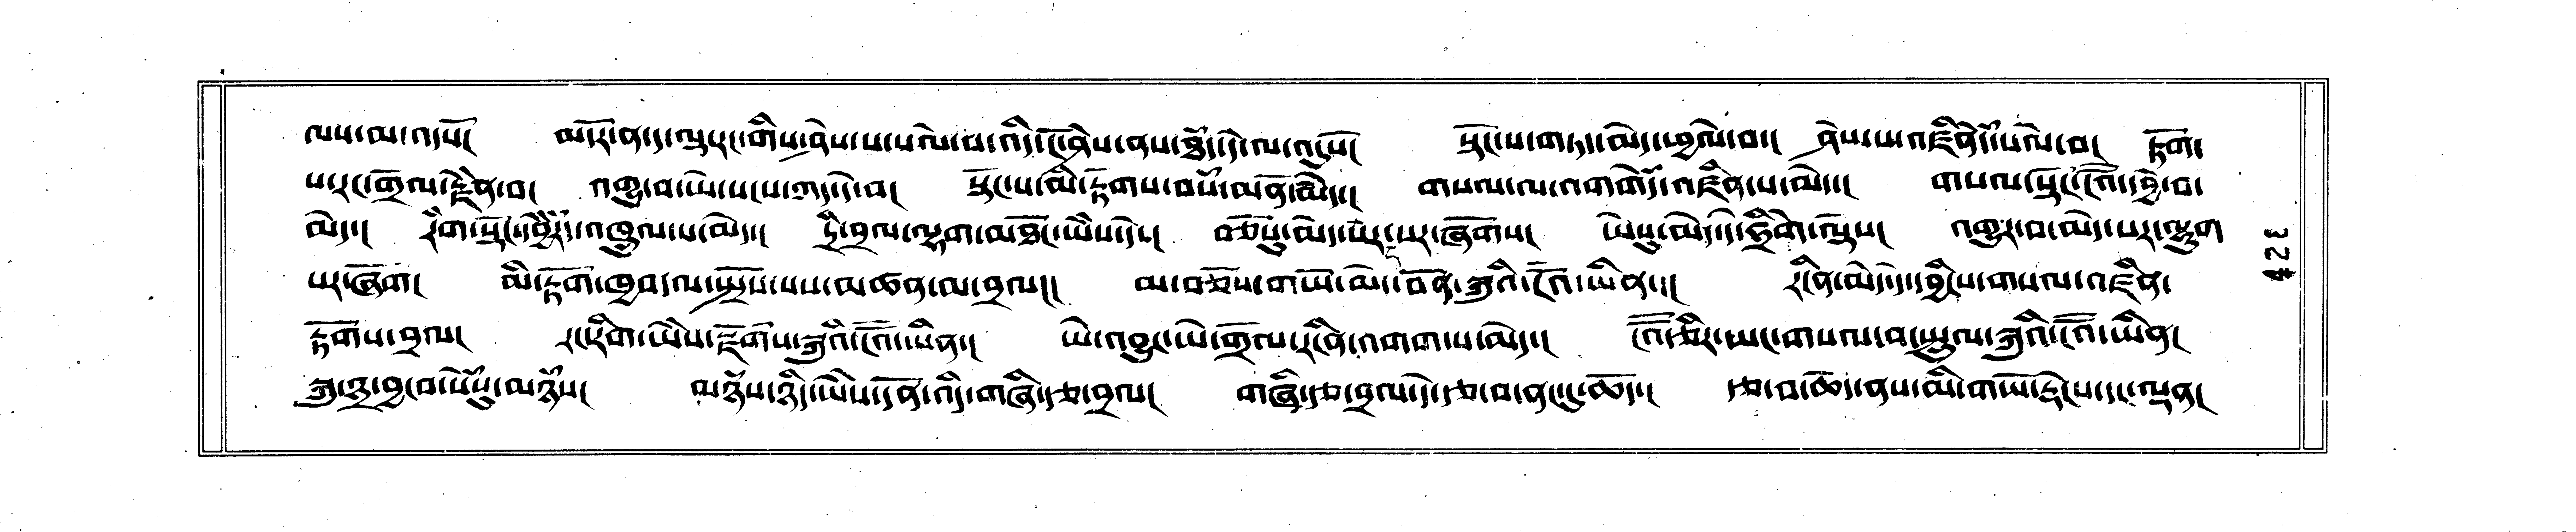ལས་མ་འདས་སོ། མདོར་ན་ད་ལྟ་རང་གིས་ཤེས་པ་སལེ་བ་འདི་ངོ་ཤེས་ན་དེ་ལས་འདུས་སོ། སྟོང་པ་གཏད་མེད་ཕྱ་ལེ་བ། ཤེས་པ་འཛིན་མེད་སལེ་བ། རྟོག་
པ་རང་གྲོལ་རྗེན་ནེ་བ། འགྱུ་བ་ཡེ་སངས་ཀད་དེ་བ། སྟོང་ལ་མི་རྟོག་བསམ་མནོའ་མེད། གསལ་ལ་གྷག་མེད་འཛིན་པ་མེད། གསལ་སྟོང་ངོའོ་དབྱེ་བ་
མེད། རིག་སྟོང་དབྱེར་མེད་འཁྲུལ་པ་མེད། དྲི་བྲལ་ལྷག་མཐོང་ཡེ་ཤེས་འདི། བཅོས་སུ་མེད་པར་རང་སལ་༼སར༽ཞོག ཡེངས་སུ་མེད་དེ་ཧྲིག་གེ་ལྟོས། འགྱུ་བ་མེད་དེ་ལྷུག་
པར་ཞོག མ་རྟོག་ཁྱབ་བདལ་སྤྲོས་པའི་མཚན་མ་བྲལ། མ་བཅོས་གཡོ་མེད་བོན་སྐུའི་ངོའོ་ཉིད། རང་བཞིན་མེད་དེ་དབྱིངས་གསལ་འཛིན་
རྟོག་བྲལ། རང་རིག་ཡེ་ཤེས་རྫོགས་སྐུའི་ངོའོ་ཡིན། ཡེ་འབྱུང་ཡེ་གྲོལ་རང་བཞིན་གྷག་(འགག)པ་མེད། ངོའོ་ཅིར་ཡང་གསལ་བ་སྤྲུལ་སྐུའི་ངོའོ་ཡིན། 
སྐུ་གསུམ”ངོའོ་བྱང་ཆུབ་སེམས་སུ་མཉམ། མཉམ་ཉིད་ཡེ་ཤེས་ཀྱིས་དོན་འདི་གཞི་རྩ་བྲལ། གཞི་རྩ་བྲལ་ཏེ་རྩ་བ་ནང་དུ་ཆོད། རྩ་བ་ཆོད་ནས་མི་གཡོའི་རྡིང་དང་ལྡན།